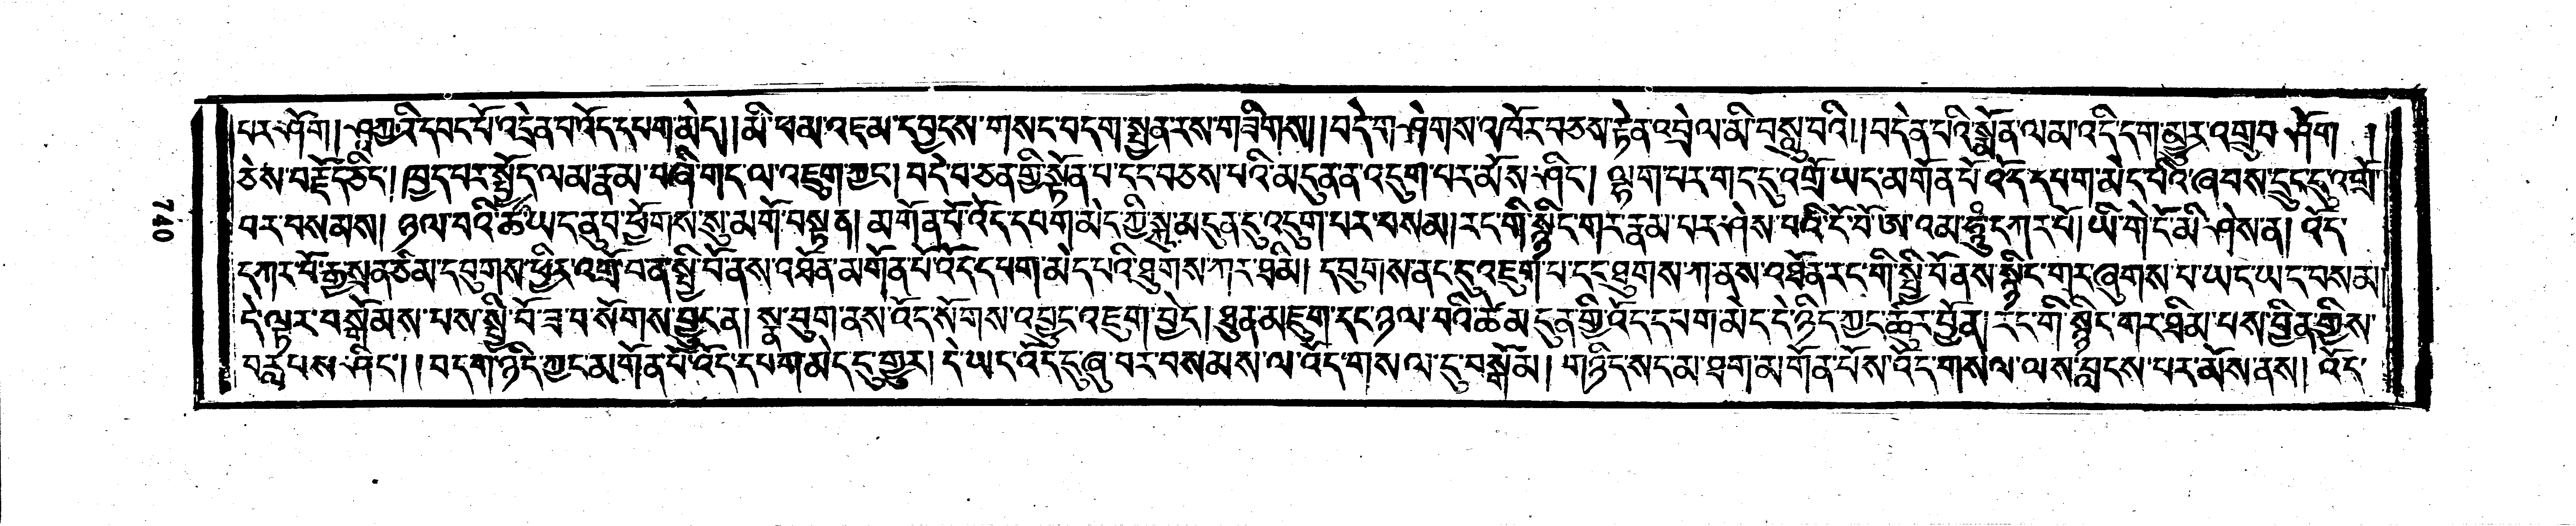པར་ཤོག །ཤཱཀྱའི་དབང་པོ་འདྲེན་པ་འོད་དཔག་མེད། །མི་ཕམ་འཇམ་དབྱངས་གསང་བདག་སྤྱན་རས་གཟིགས། །བདེ་གཤེགས་འཁོར་བཅས་རྟེན་འབྲེལ་མི་བསླུ་བའི། །བདེན་པའི་སྨོན་ལམ་འདི་དག་མྱུར་འགྲུབ་ཤོག །
ཅེས་བརྗོད་ཅིང་། ཁྱད་པར་སྤྱོད་ལམ་རྣམ་བཞི་གང་ལ་འཇུག་ཀྱང་། བདེ་བ་ཅན་གྱི་སྟོན་པ་དང་བཅས་པའི་མདུན་ན་འདུག་པར་མོས་ཤིང་། ལྷག་པར་གང་དུ་འགྲོ་ཡང་མགོན་པོ་འོད་དཔག་མེད་པའི་ཞབས་དྲུང་དུ་འགྲོ་
བར་བསམས། ཉལ་བའི་ཚེ་ཡང་ནུབ་ཕྱོགས་སུ་མགོ་བསྟན། མགོན་པོ་འོད་དཔག་མེད་ཀྱི་སྐུ་མདུན་དུ་འདུག་པར་བསམ། རང་གི་སྙིང་གར་རྣམ་པར་ཤེས་པའི་ངོ་བོ་ཨ་འམ་ཧཱུཾ་དཀར་པོ། ཡི་གེ་ངོ་མི་ཤེས་ན། འོད་
དཀར་པོ་རྒྱ་སྲན་ཙམ་དབུགས་ཕྱིར་འགྲོ་བ་ན་སྤྱི་བོ་ནས་འཐོན་མགོན་པོ་འོད་དཔག་མེད་པའི་ཐུགས་ཀར་ཐིམ། དབུགས་ནང་དུ་འཇུག་པ་དང་ཐུགས་ཀ་ནས་འཐོན་རང་གི་སྤྱི་བོ་ནས་སྙིང་གར་ཞུགས་པ་ཡང་ཡང་བསམ།
དེ་ལྟར་བསྒོམས་པས་སྤྱི་བོ་ཟ་བ་སོགས་བྱུང་ན། སྣ་བུག་ནས་འོད་སོགས་འབྱུང་འཇུག་བྱེད། ཐུན་མཇུག་དང་ཉལ་བའི་ཚེ་མདུན་གྱི་འོད་དཔག་མེད་དེ་ཉིད་ཀྱང་ཚུར་བྱོན། རང་གི་སྙིང་གར་ཐིམ་པས་བྱིན་གྱིས་
བརླབས་ཤིང་། བདག་ཉིད་ཀྱང་མགོན་པོ་འོད་དཔག་མེད་དུ་གྱུར། དེ་ཡང་འོད་དུ་ཞུ་བར་བསམས་ལ་འོད་གསལ་དུ་བསྒོམ། གཉིད་སད་མ་ཐག་མགོན་པོས་འོད་གསལ་ལས་བླངས་པར་མོས་ནས། འོད་